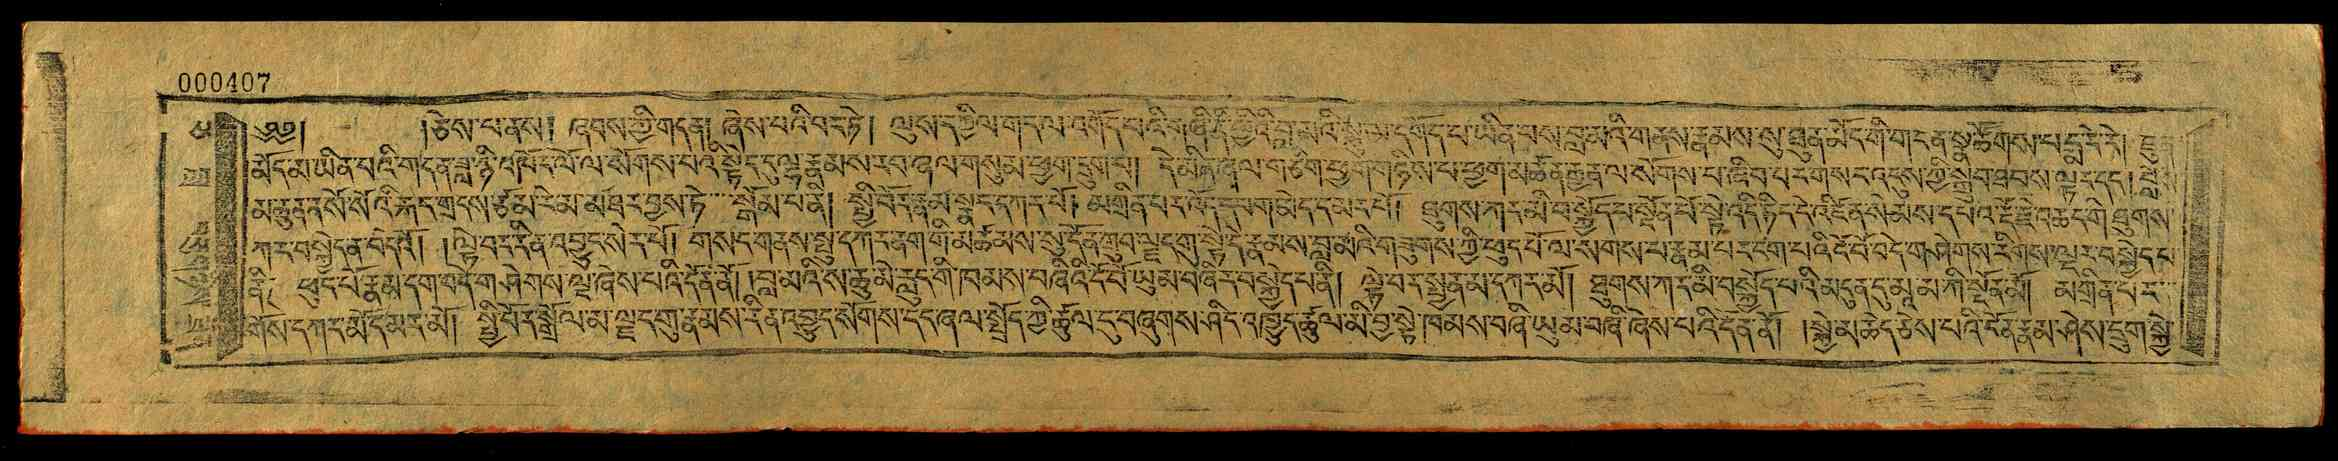༄༅། །ཅེས་པ་ནས། ཞབས་ཀྱི་གདན། ཞེས་པའི་བར་ཏེ། ལུས་དཀྱིལ་གང་ལ་འགོད་པའི་གཞི་ནི་ཕྱིའི་བླ་མའི་སྐུ་ལ་དགོད་པ་ཡིན་པས་བླ་མའི་གནས་རྣམས་སུ་ཐུན་མོང་གི་གདན་སྣ་ཚོགས་པདམ་རེ་རེ། ཐུན་
མོང་མ་ཡིན་པའི་གདན་ཟླ་ཉི་འཁོར་ལོ་ལ་སོགས་པའི་སྟེང་དུ་ལྷ་རྣམས་རབ་ཞལ་གསུམ་ཕྱག་དྲུག་པ། དེ་མིན་ཞལ་གཅིག་ཕྱག་གཉིས་པ་ཕྱག་མཚན་རྒྱན་ལ་སོགས་པ་ཞིབ་པར་གསང་འདུས་ཀྱི་སྒྲུབ་ཐབས་ལྟར་དང་། བློས་
མ་ཆུན་ན་སོ་སོའི་རྐང་གྲངས་ཙམ་རེ་མ་མཐར་བྱས་ཏེ་སྒོམ་པ་ནི། སྤྱི་བོར་རྣམ་སྣང་དཀར་པོ། མགྲིན་པར་འོད་དཔག་མེད་དམར་པོ། ཐུགས་ཀར་མི་བསྐྱོད་པ་སྔོན་པོ་སྟེ་འདི་ཏིང་ངེ་འཛིན་སེམས་དཔའ་རྡོ་རྗེ་འཆང་གི་ཐུགས་
ཀར་བསྐྱེད་ན་བདེའོ། །ལྟེ་བར་རིན་འབྱུང་སེར་པོ། གསང་གནས་སྤུ་དཀར་ནག་གི་མཚམས་སུ་དོན་གྲུབ་ལྗང་གུ་སྟེ་དེ་རྣམས་བླ་མའི་གཟུགས་ཀྱི་ཕུང་པོ་ལ་སོགས་པ་རྣམ་པར་དག་པའི་ངོ་བོ་བདེ་གཤེགས་རིགས་ལྔར་བསྐྱེད་པ་
ནི༑ ཕུང་པོ་རྣམ་དག་བདེ་གཤེགས་ལྔ་ཞེས་པའི་དོན་ནོ། །བླ་མའི་ས་ཆུ་མེ་རླུང་གི་ཁམས་བཞིའི་ངོ་བོ་ཡུམ་བཞིར་བསྐྱེད་པ་ནི། ལྟེ་བར་སྤྱན་ལ་དཀར་མོ། ཐུགས་ཀར་མི་བསྐྱེད་པའི་མདུན་དུ་མ་མ་ཀི་སྔོན་མོ། མགྲིན་པར་
གོས་དཀར་མོ་དམར་མོ། སྤྱི་བོར་སྒྲོལ་མ་ལྗང་གུ་རྣམས་རིན་འབྱུང་སོགས་དང་ཞལ་སྤྲོད་ཀྱི་ཚུལ་དུ་བཞུགས་ཤིང་འཁྱུད་ཚུལ་མི་བྱ་སྟེ་ཁམས་བཞི་ཡུམ་བཞི་ཞེས་པའི་དོན་ནོ། །སྐྱེ་མཆེད་ཅེས་པའི་དོན་རྣམ་ཤེས་དྲུག་སྐྱེ།